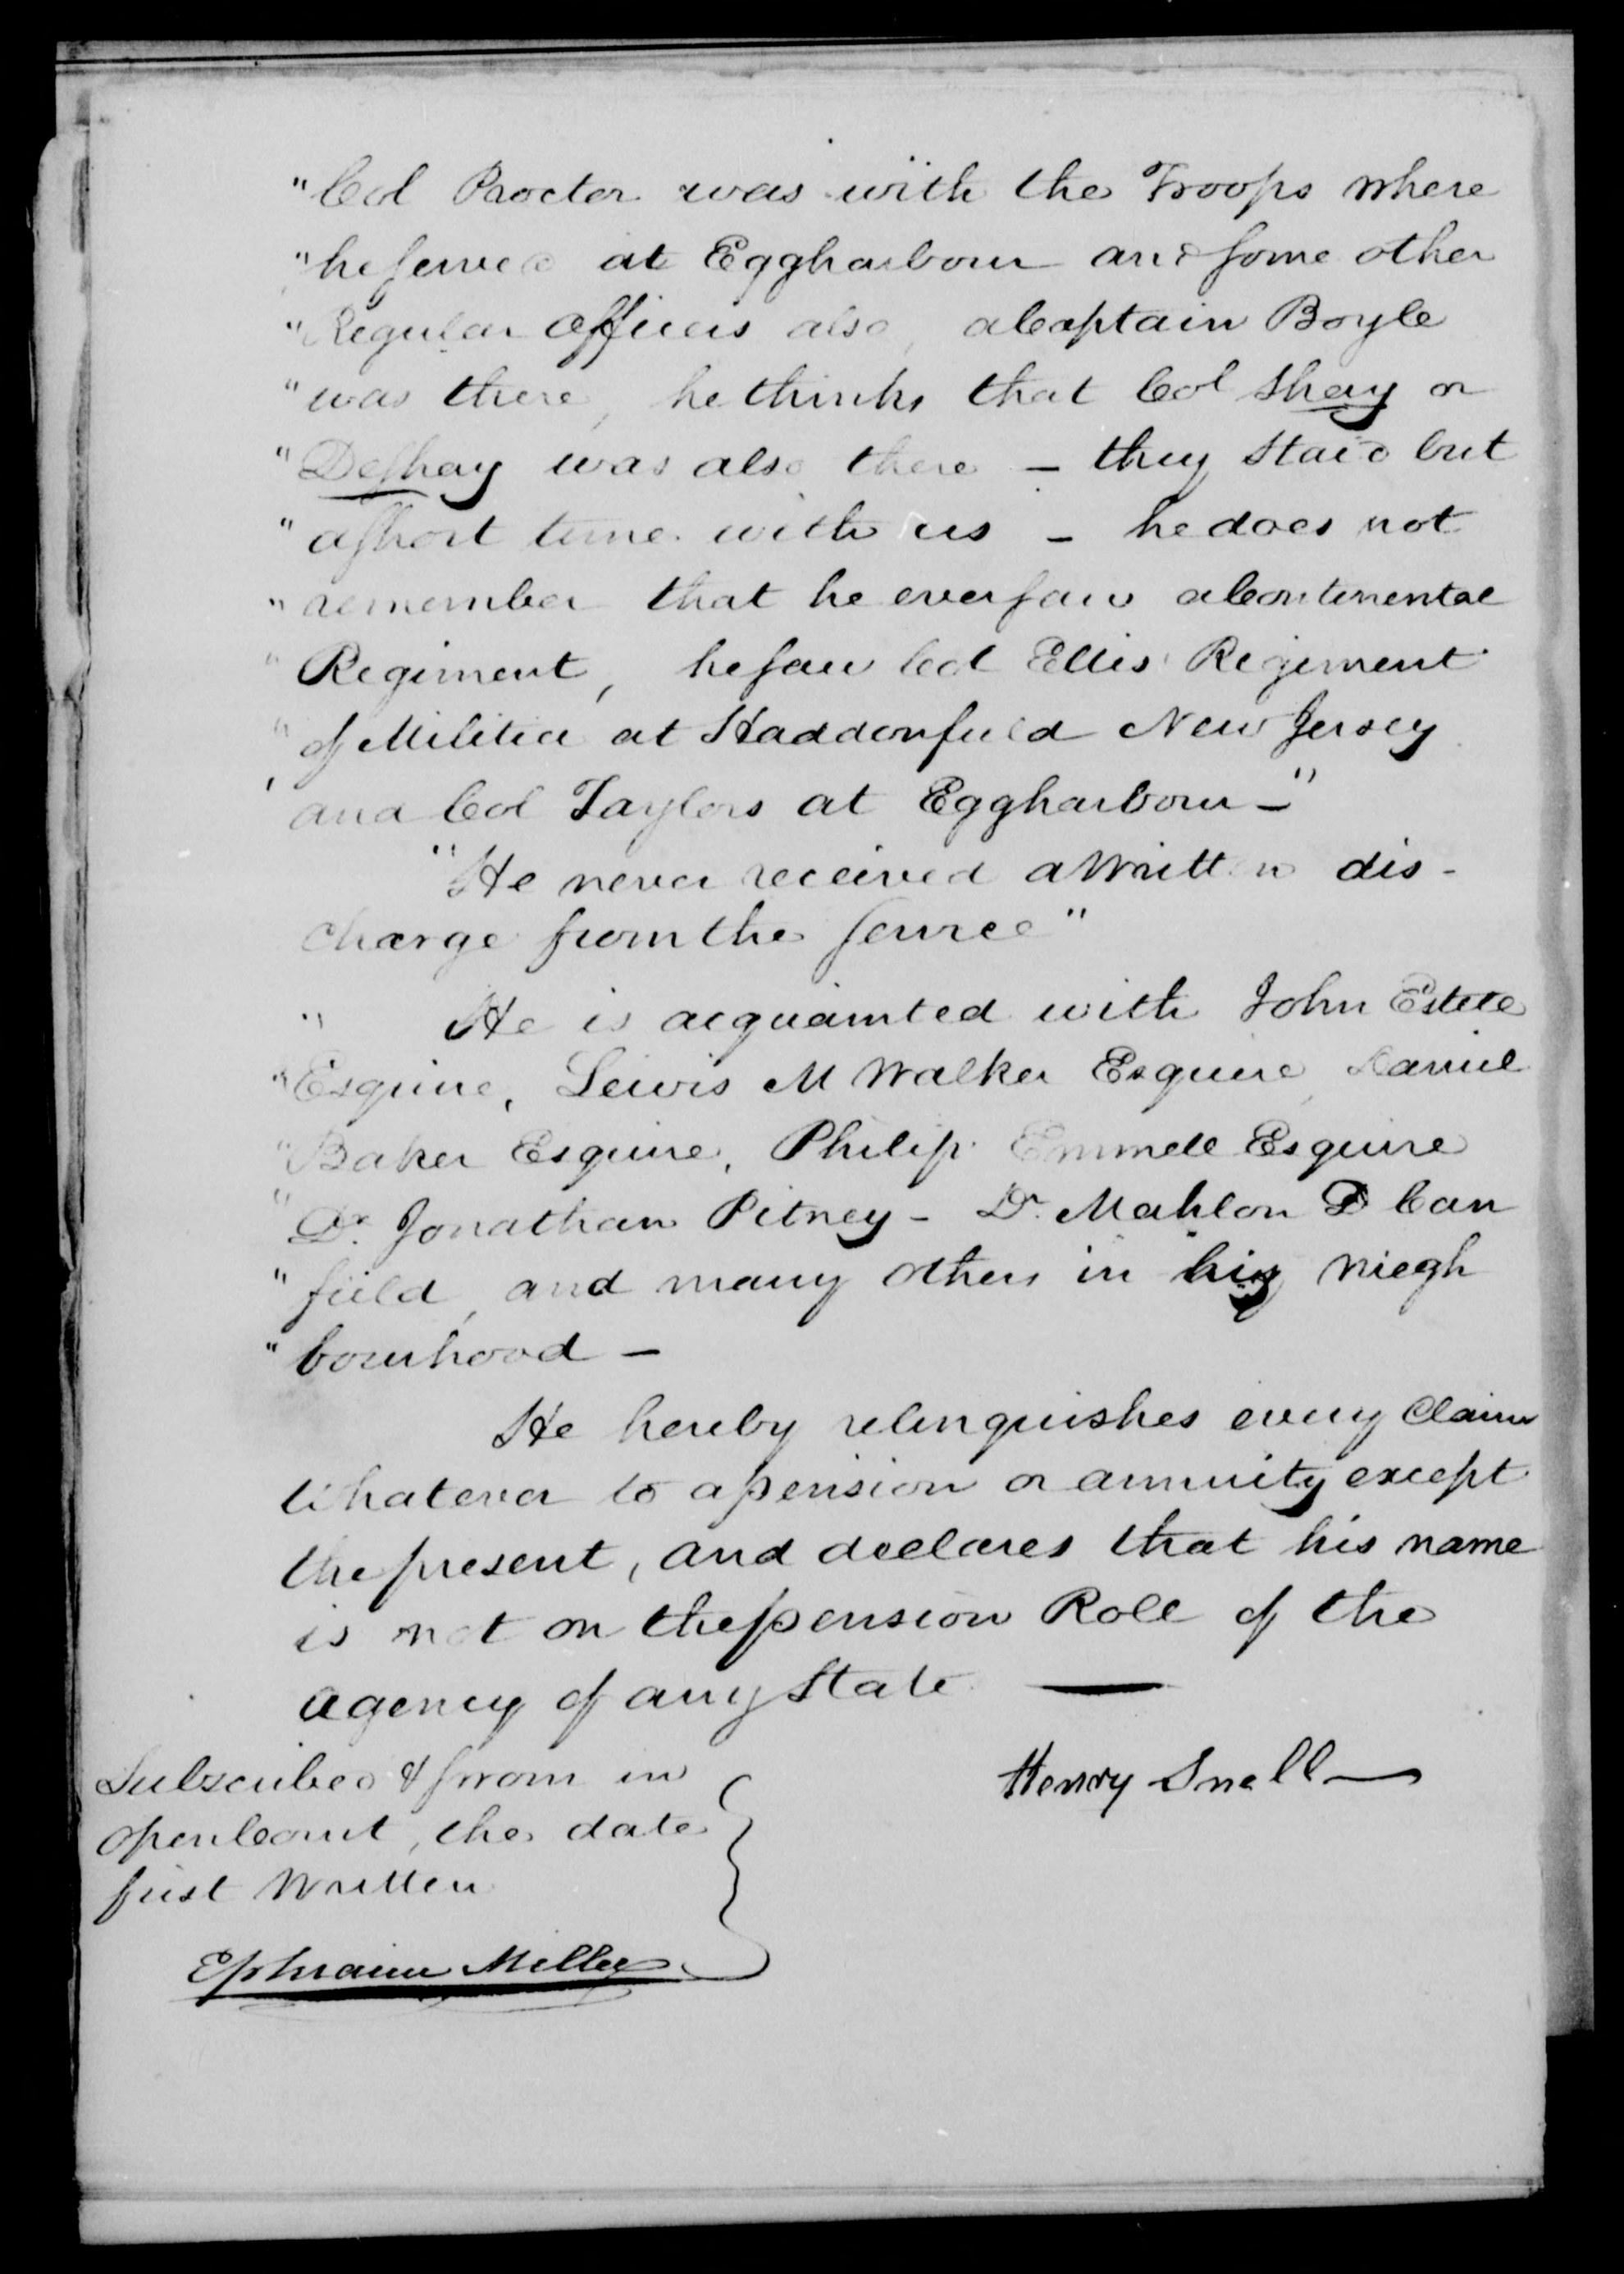Col Paocter was with the Troops where he served at Eggharbor and some other Regular Officers also, a Captain Boyle was there, he thinks that Col Shay or Deshay was also there - they staid but ashort time with us – he does not remember that he ever saw a Continential Regiment, before Col Ellis Regiment of Militia at Haddonfield New Jersey and Col Taylors at Eggharbor.”
“He never received a written discharge from the Service.”
“He is acquainted with John Estell Esquire, Lewis M Walker Esquire, Daniel Baker Esquire, Philip Emmell Esquire, Dr Jonathan Pitney, Dr Mahlon D Canfield, and many others in his neighbourhood”
He hereby relinquishes every claim whatever to a pension of annuity except the present, and declare that his name is not on the pension roll of the agency of any State.

[signed]
Henry Snell
Subscribed and sworn in open Court, the date first written
Ephraim Miller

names: [BLANK] Shay; Jonathan Pitney; Philip Emmell; [BLANK] Deshay; Daniel Baker; John Estell; [BLANK] Boyle; Henry Snell; Lewis M Walker; Ephraim Miller; [BLANK] Proctor; [BLANK] Taylors; Mahlon D Canfield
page: 11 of 27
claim: rejected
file: R. 9,892, for Henry Snell, New Jersey